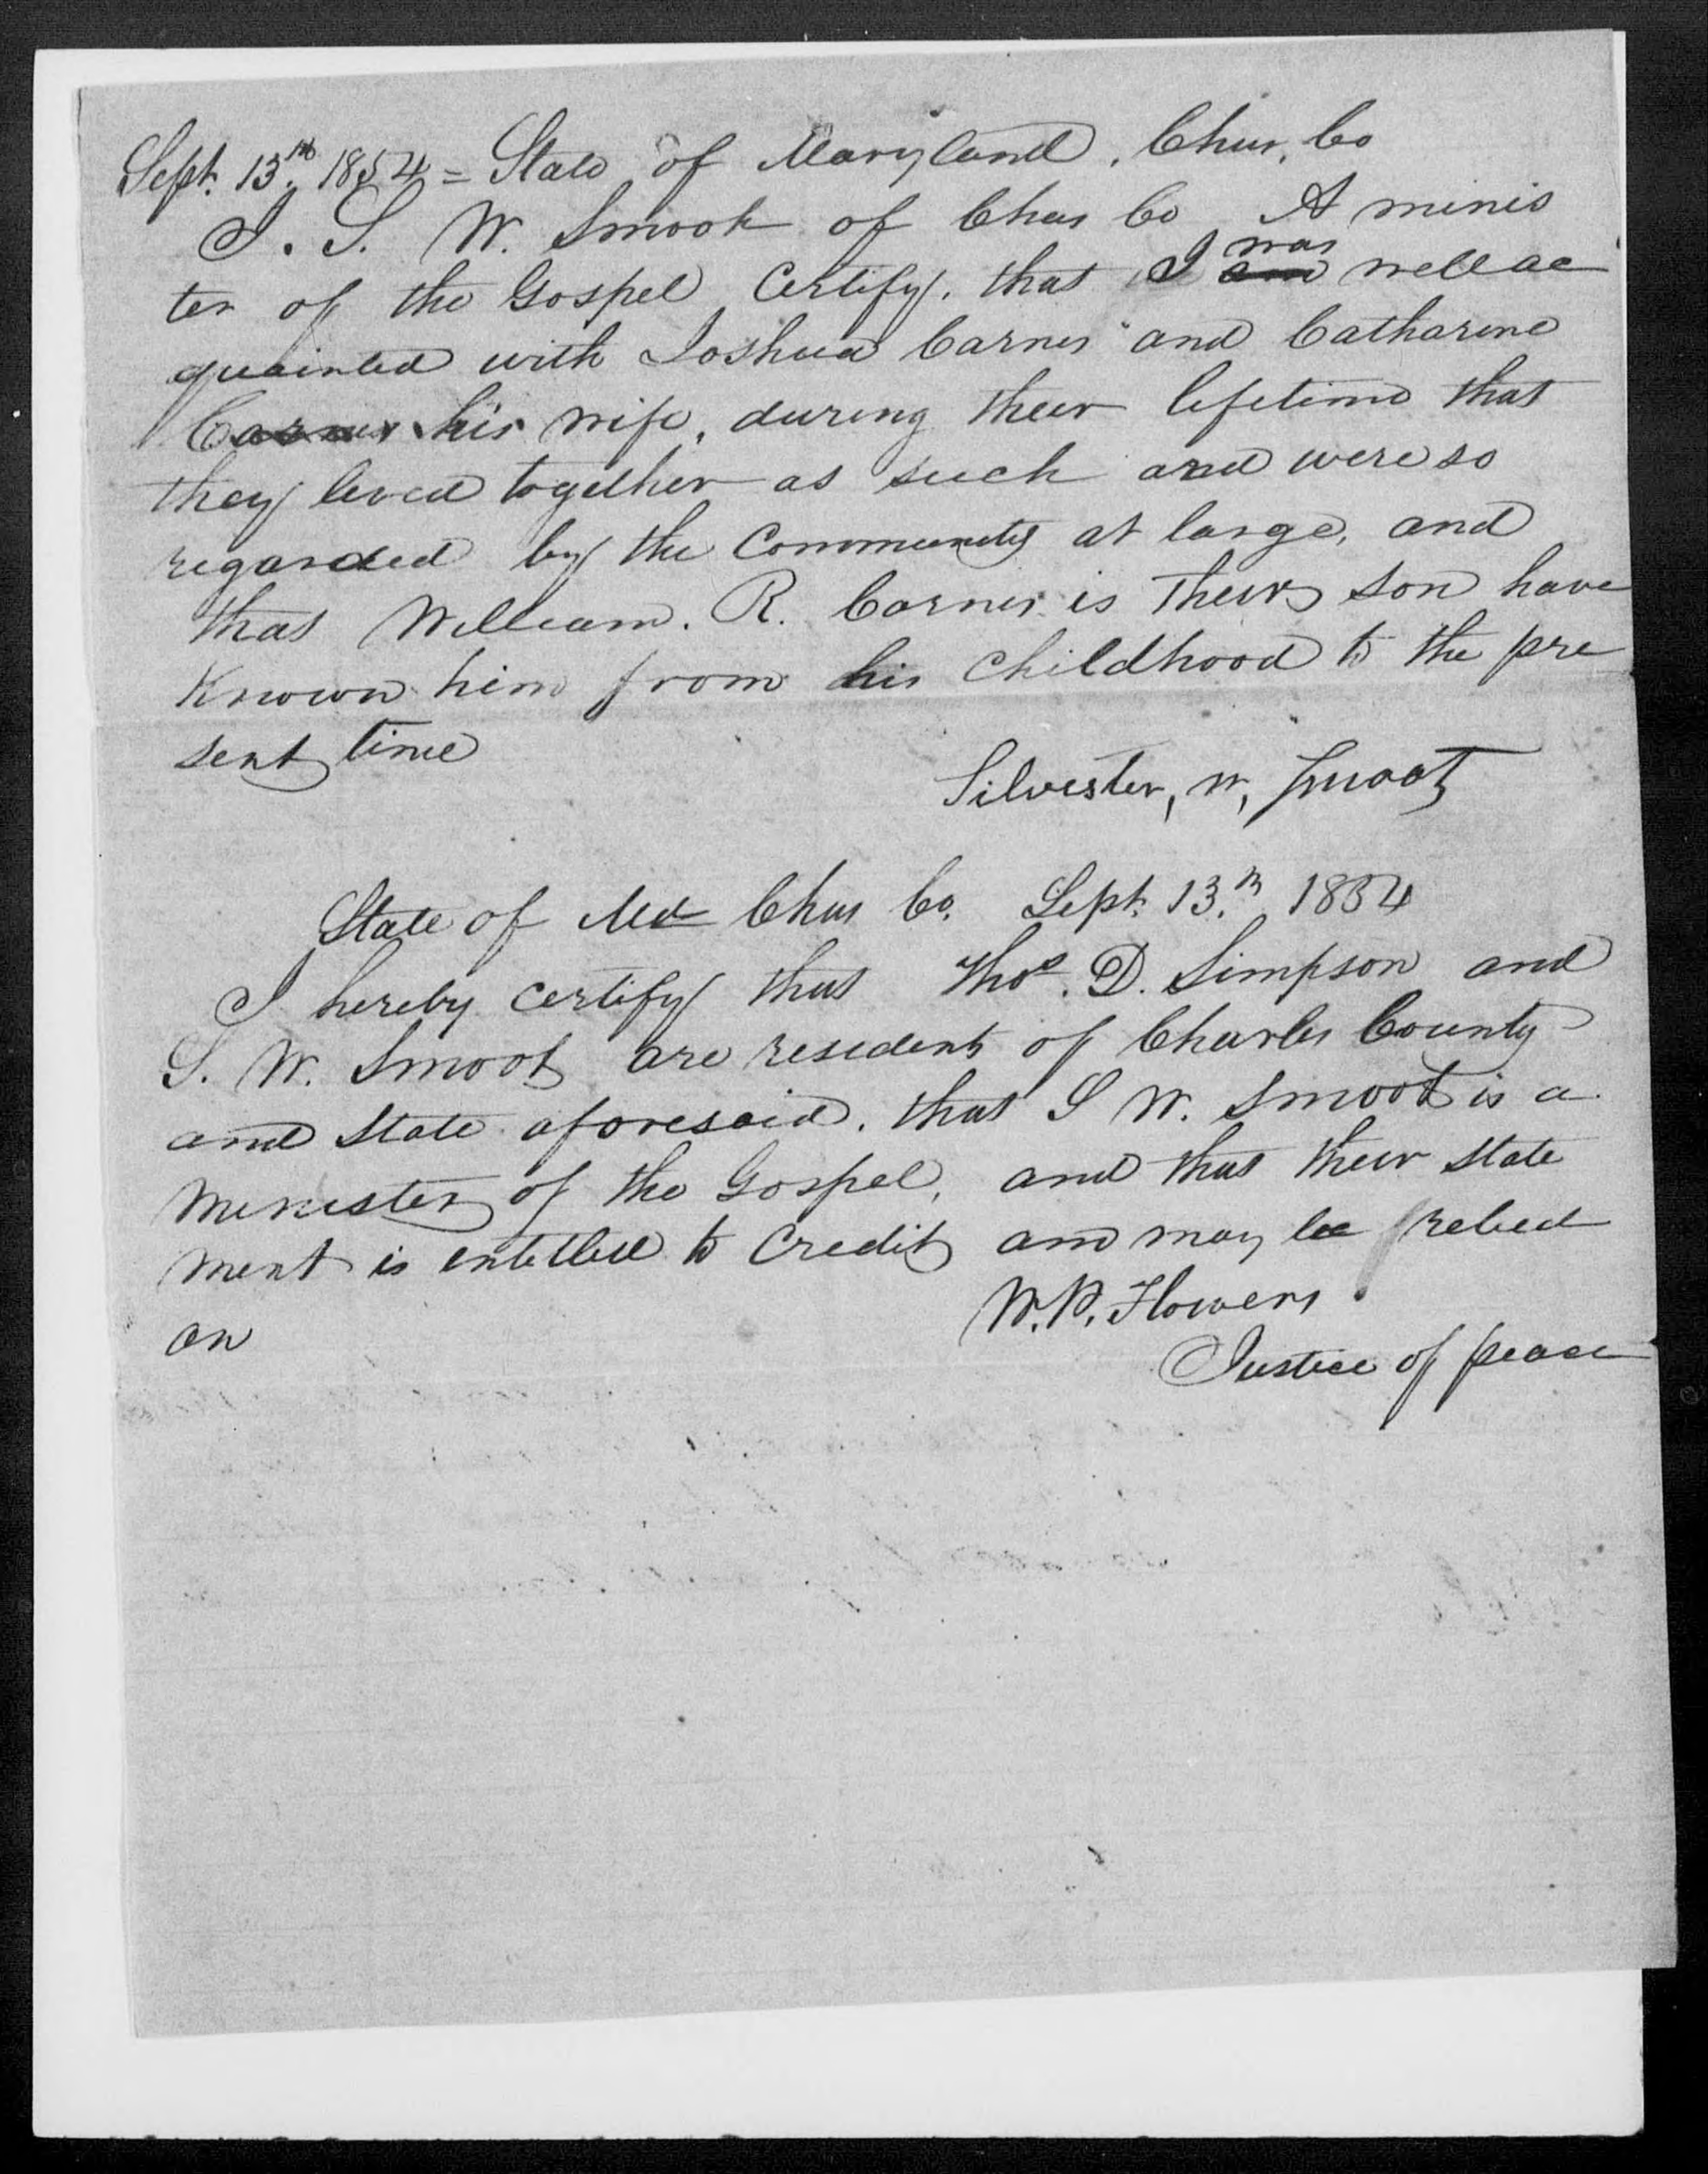Sept. 13th 1854 State of Maryland Char. Co.
I S. W. Smoot of Char Co. A minister of the Gospel certify that I was wall acquainted with Joshua Carnes and Catherine Carnes his wife during their lifetimes that they lived together as such and were so regarded by the community at large and that William R. Carnes is their son have known m from his childhood to the present time.
Silvester W. Smoot
 State of Md Char Co. Sept 13th, 1834
I hereby certify that Thos. D. Simpson and S. W. Smoot are residents of Charles County and State aforesaid. S. M. Soot is a minister of the Gospel, and has their statement is entitled to credit and may be relied on
M.P. Flowers
Justice of Peace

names: Catharine Carnes, Silvester W Smoot, W P Flowers, Thos D Simpson, William R Carnes, Joshua Carnes, S W Smoot, S W Smoot, S W Smook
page: 14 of 22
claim: rejected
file: R 1709, Joshua Carnes, Va.